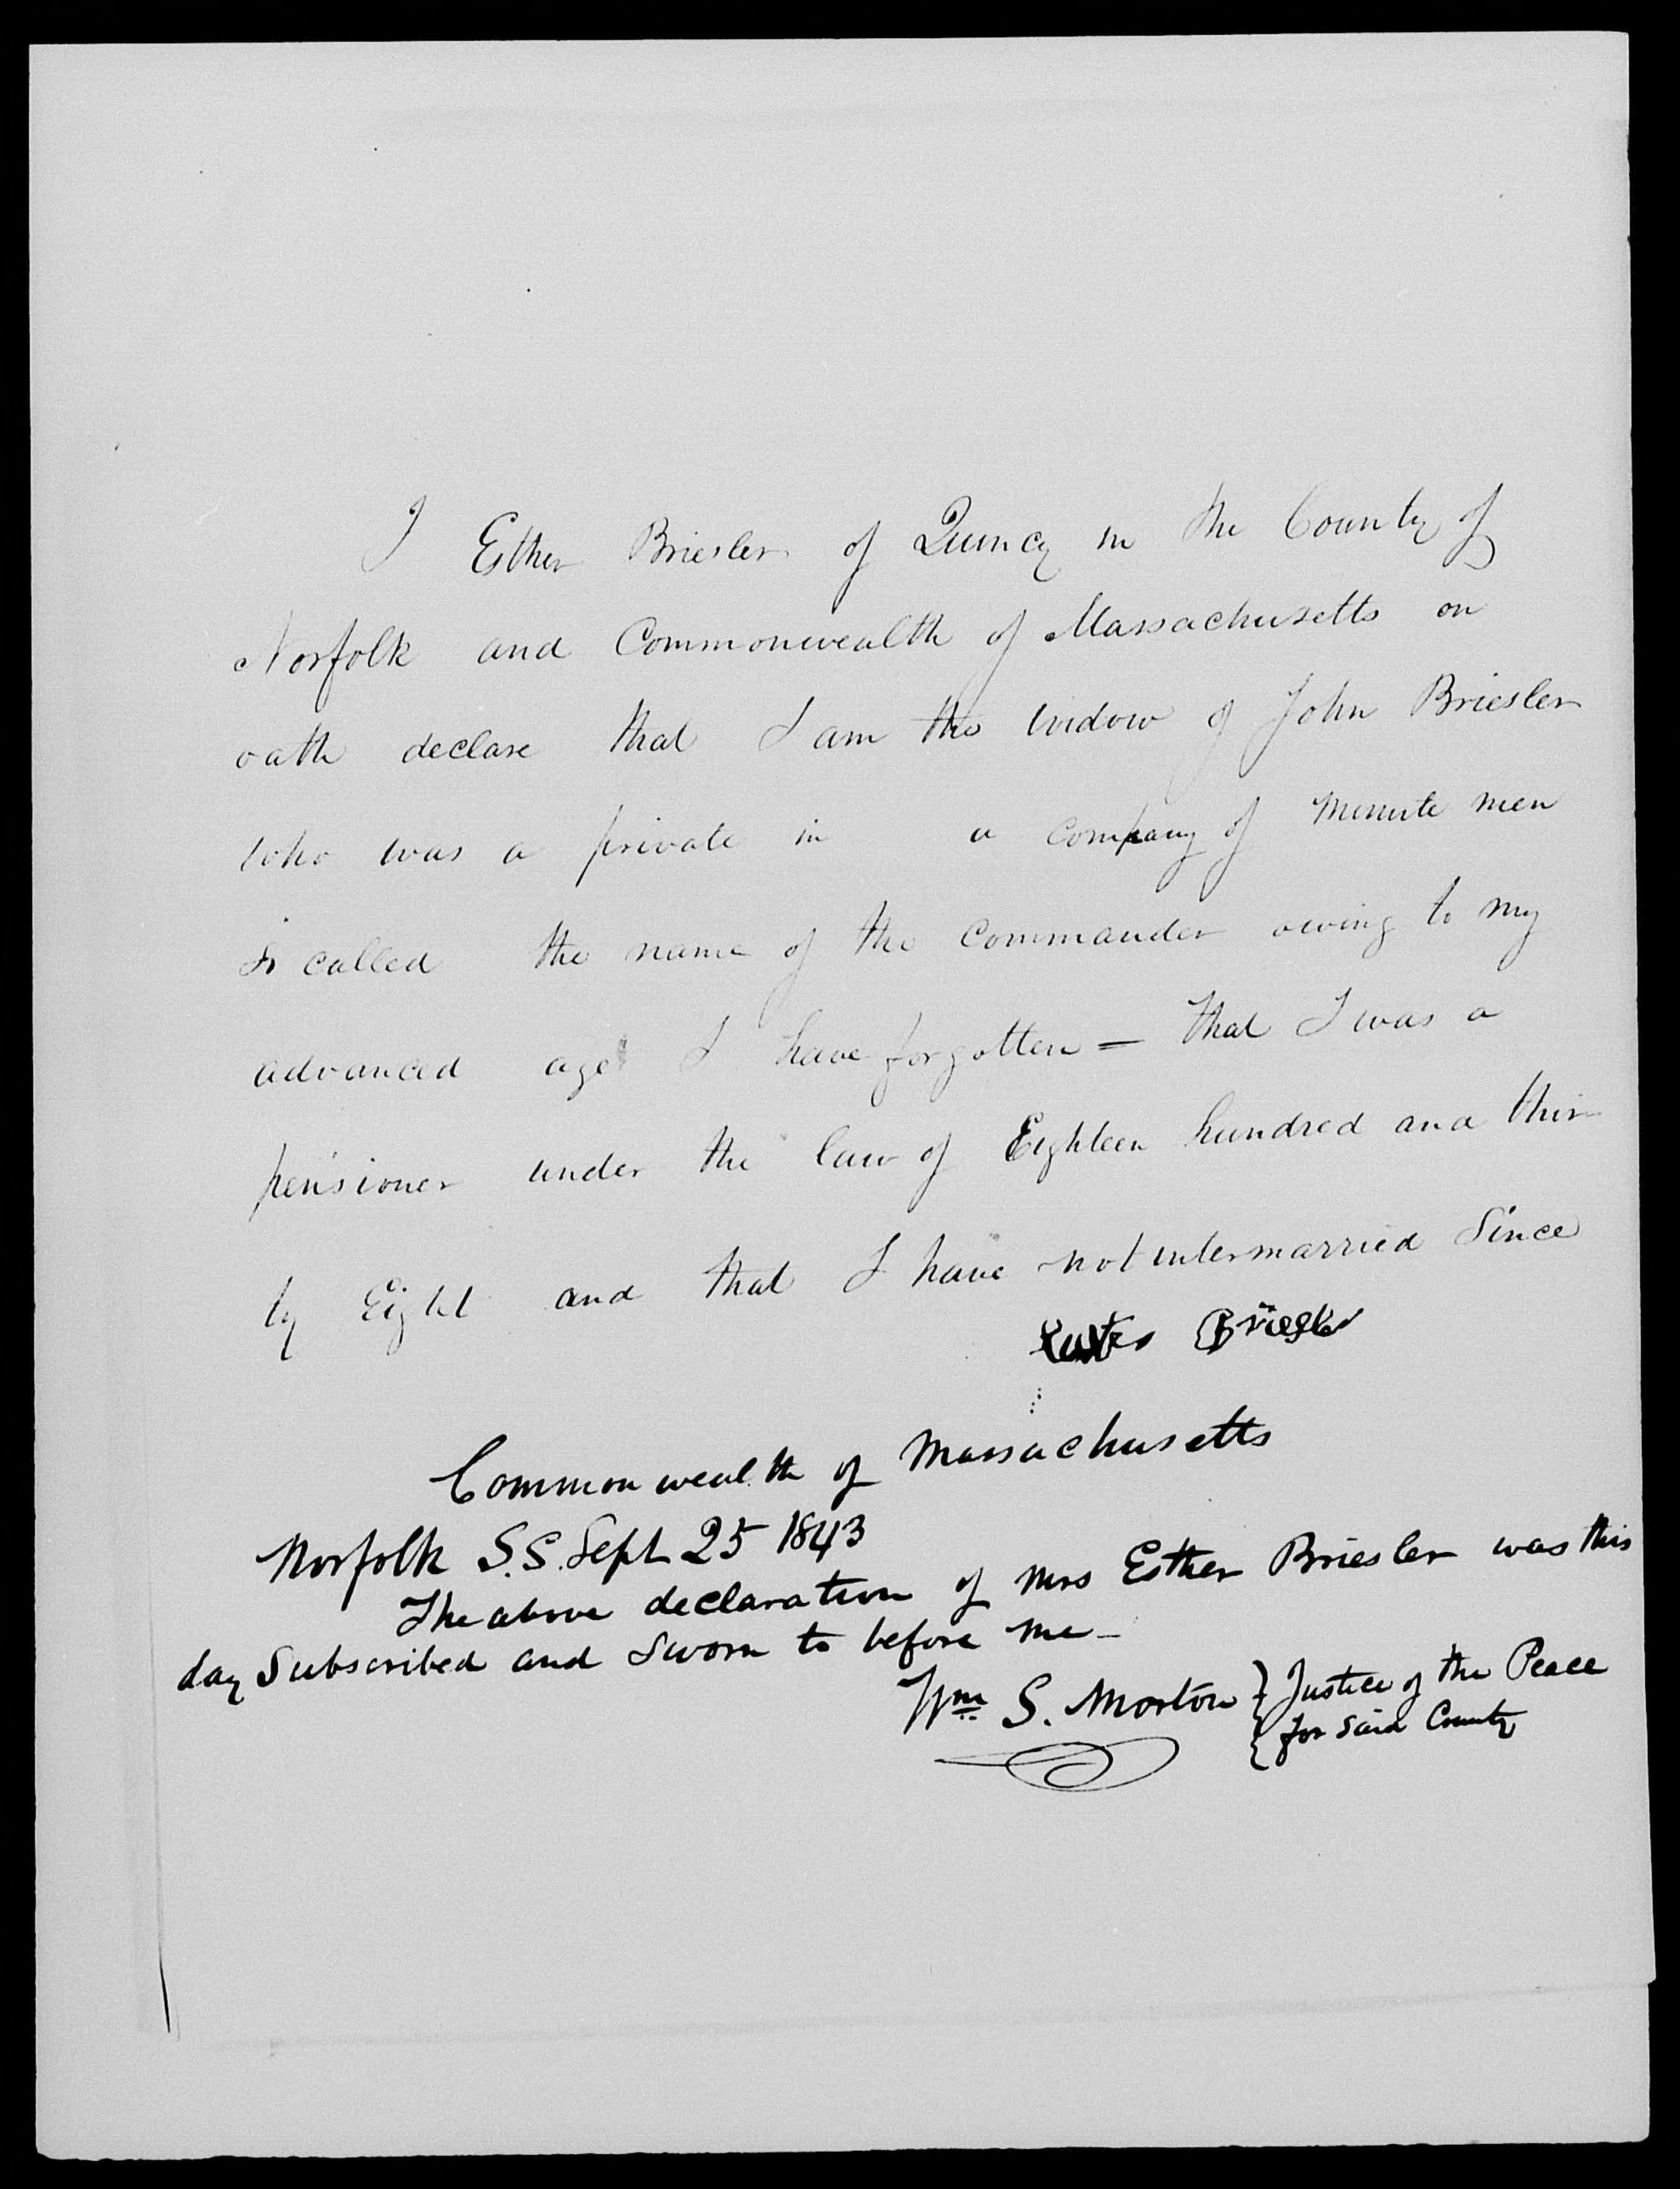I Esther Briesler of Quincy in the County of Norfolk and Commonwealth of Massachusetts on oath declare that I am the windrow of John Briesler who was a private in the Company of  minute men so called the name of the commander owing to my  advanced age I have forgotten - that I was a pensioner under the law of Eighteen hundred and thirty Eight and that I have not intermarried since. Esther Briesler 
Commonwealth of Massachusetts Norfolk S.S. Sept 25 1843. The above declaration of Mrs. Esther Briesler was this day subscribed and sworn to before me - Wm. S. Morton ] Justice of the Peace for said County.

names: Easter Briesler, John Briesler, Esther Briesler, Esther Briesler, Wm S Morton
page: 39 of 46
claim: widow's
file: W. 23,673, John Brisler, Mass.